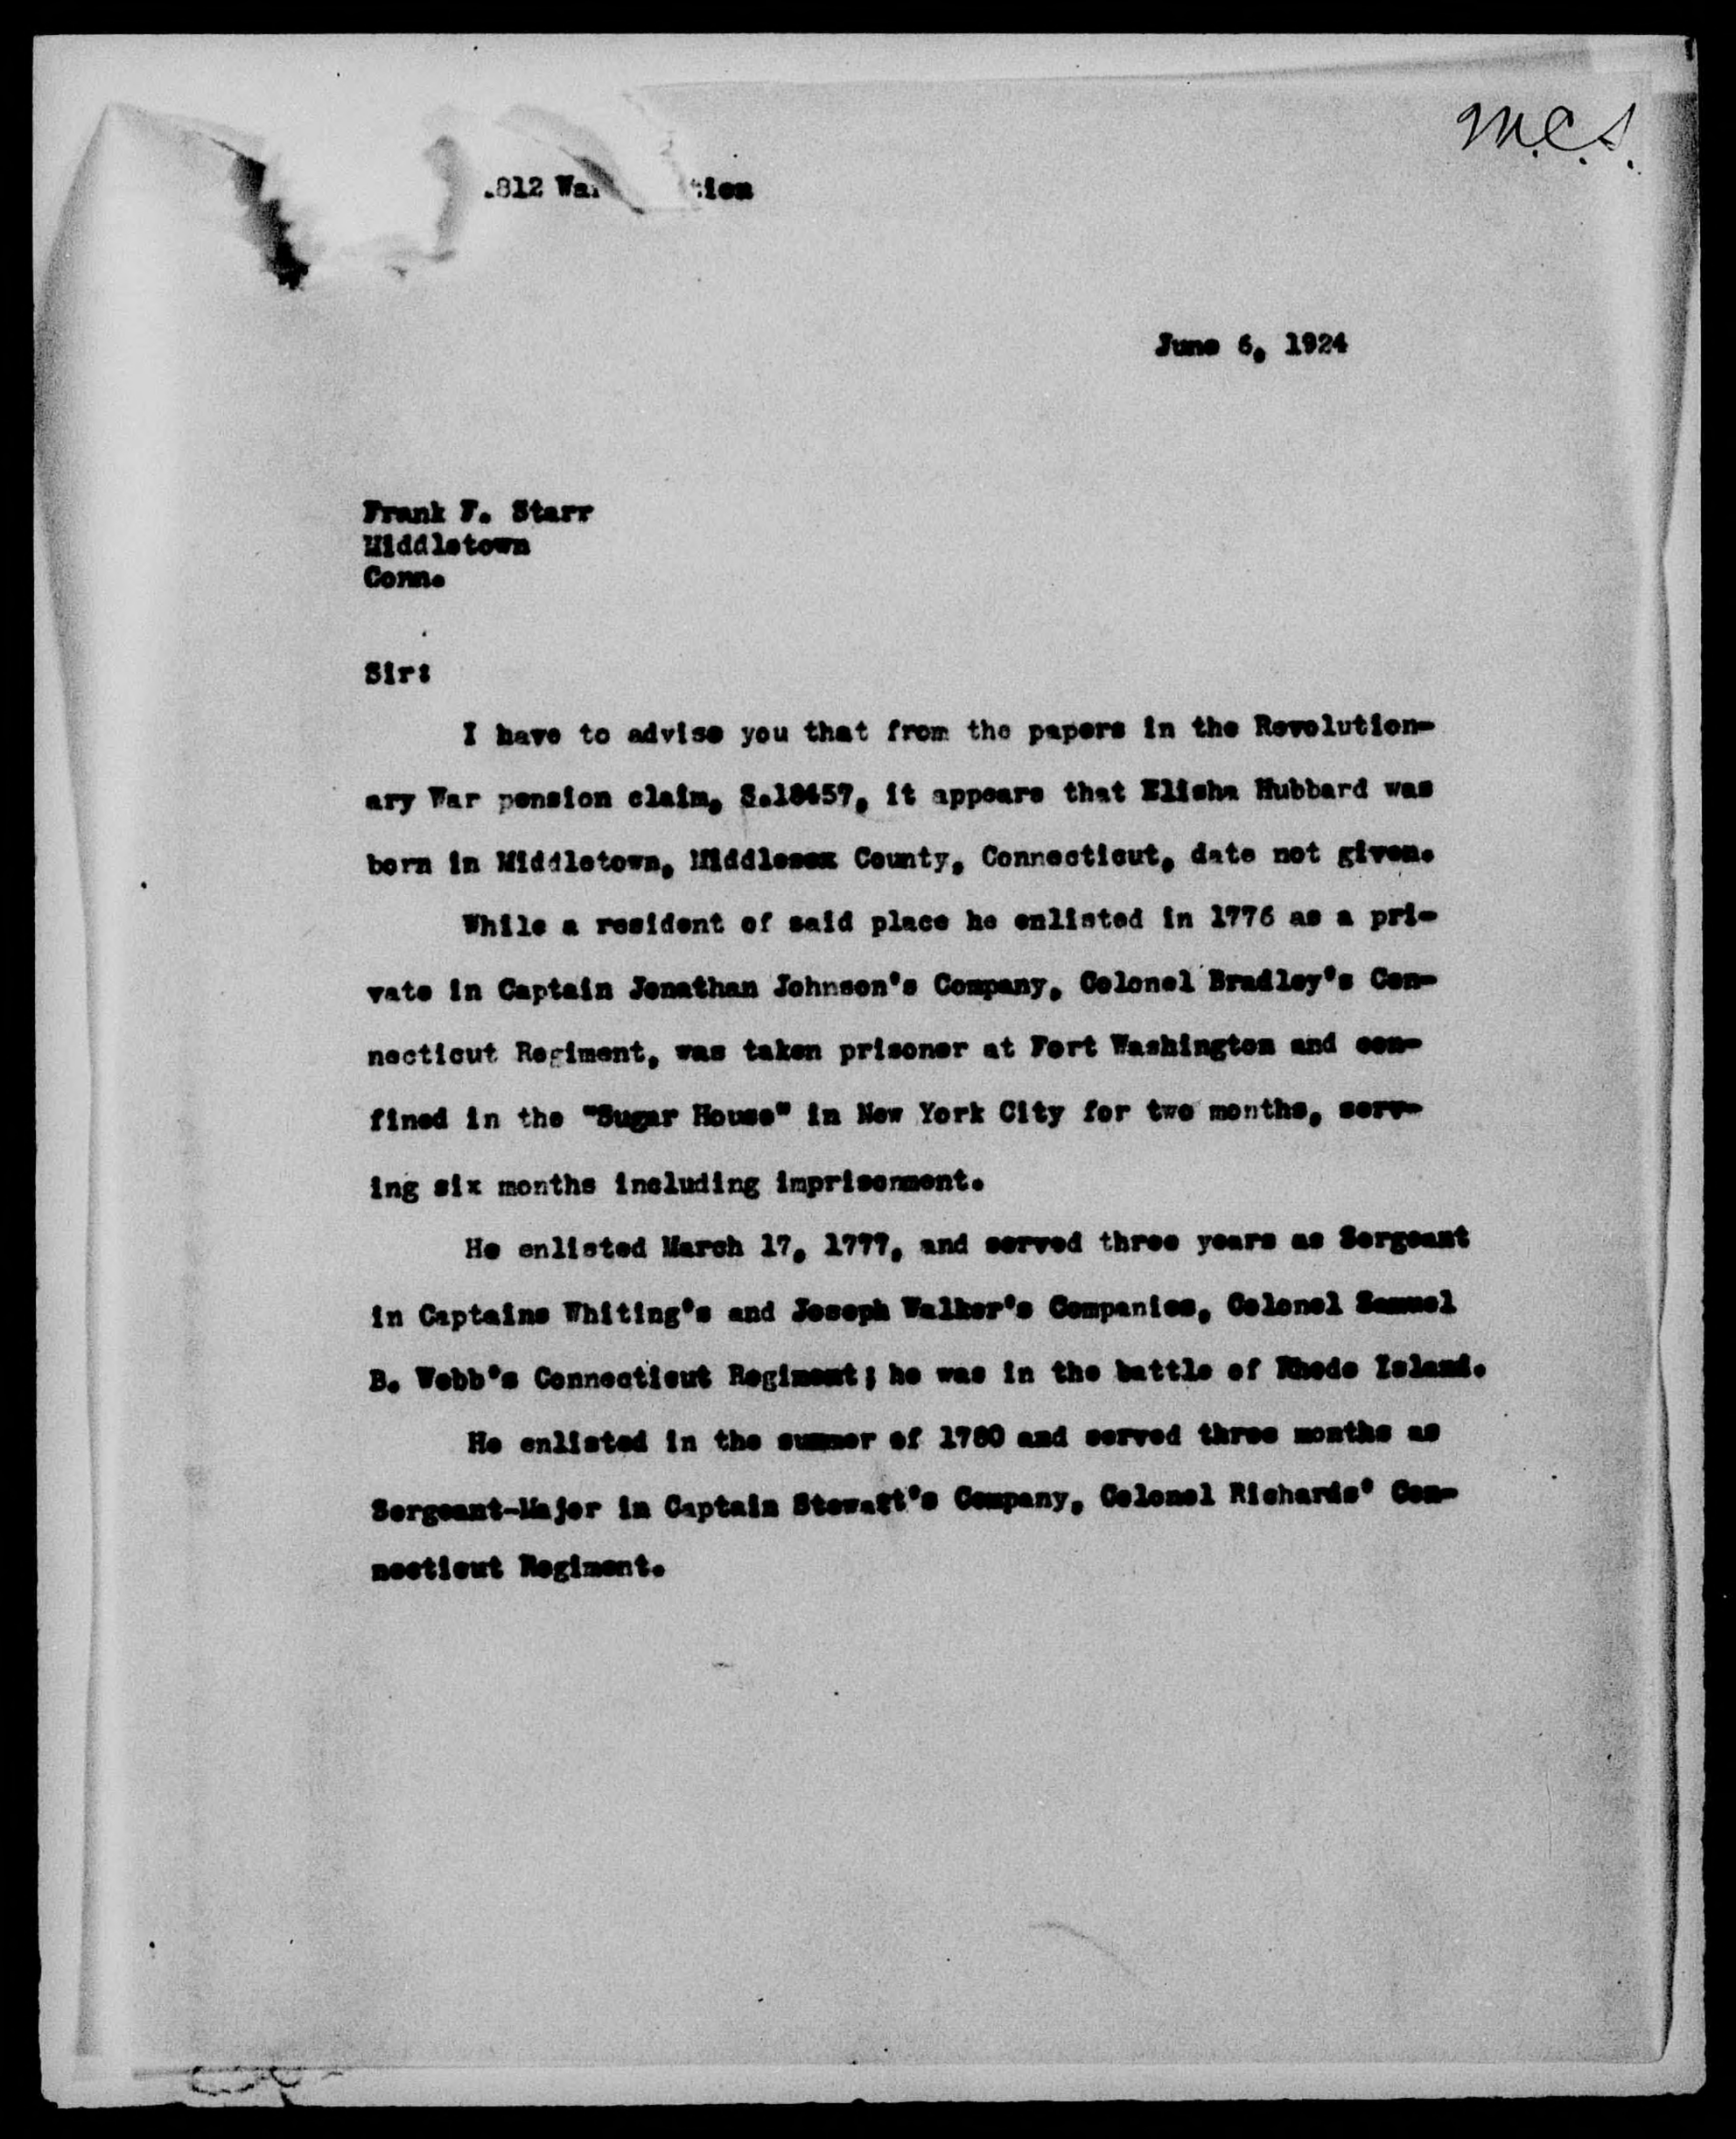[top of page torn]
[partial] 812 Wa[torn]ion

[top right corner, handwritten]
M.C.S.

[typed]
June 6, 1824

Frank F. Starr
Middletown
Conn. 

Sir:
I have to advise you that from the papers in the Revolutionary War pension claim, S. 18457, it appears that Elisha Hubbard was born in Middletown, Middlesex County, Connecticut, date not given.
	While a resident of said place he enlisted in 1776 as a private in Captain Jonathan Johnson’s Company, Colonel Bradley’s Connecticut Regiment, was taken prisoner at Fort Washington and confined in the “Sugar House” in New York City for two months, serving six months including imprisonment. 
	He enlisted March 17, 1777, and served three years as sergeant in Captain Whiting’s and Joseph Walker’s companies, Colonel Samuel B. Webb’s Connecticut regiment; he was in the battle of Rhode Island.
         He enlisted in the summer of 1780, and served three months as sergeant major in Captain Stewart’s company, Colonel Richard’s Connecticut regiment.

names: Elisha Hubbard, Frank F Starr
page: 24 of 63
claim: survivor's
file: S. 18457, Elisha Hubbard, Conn. Continental